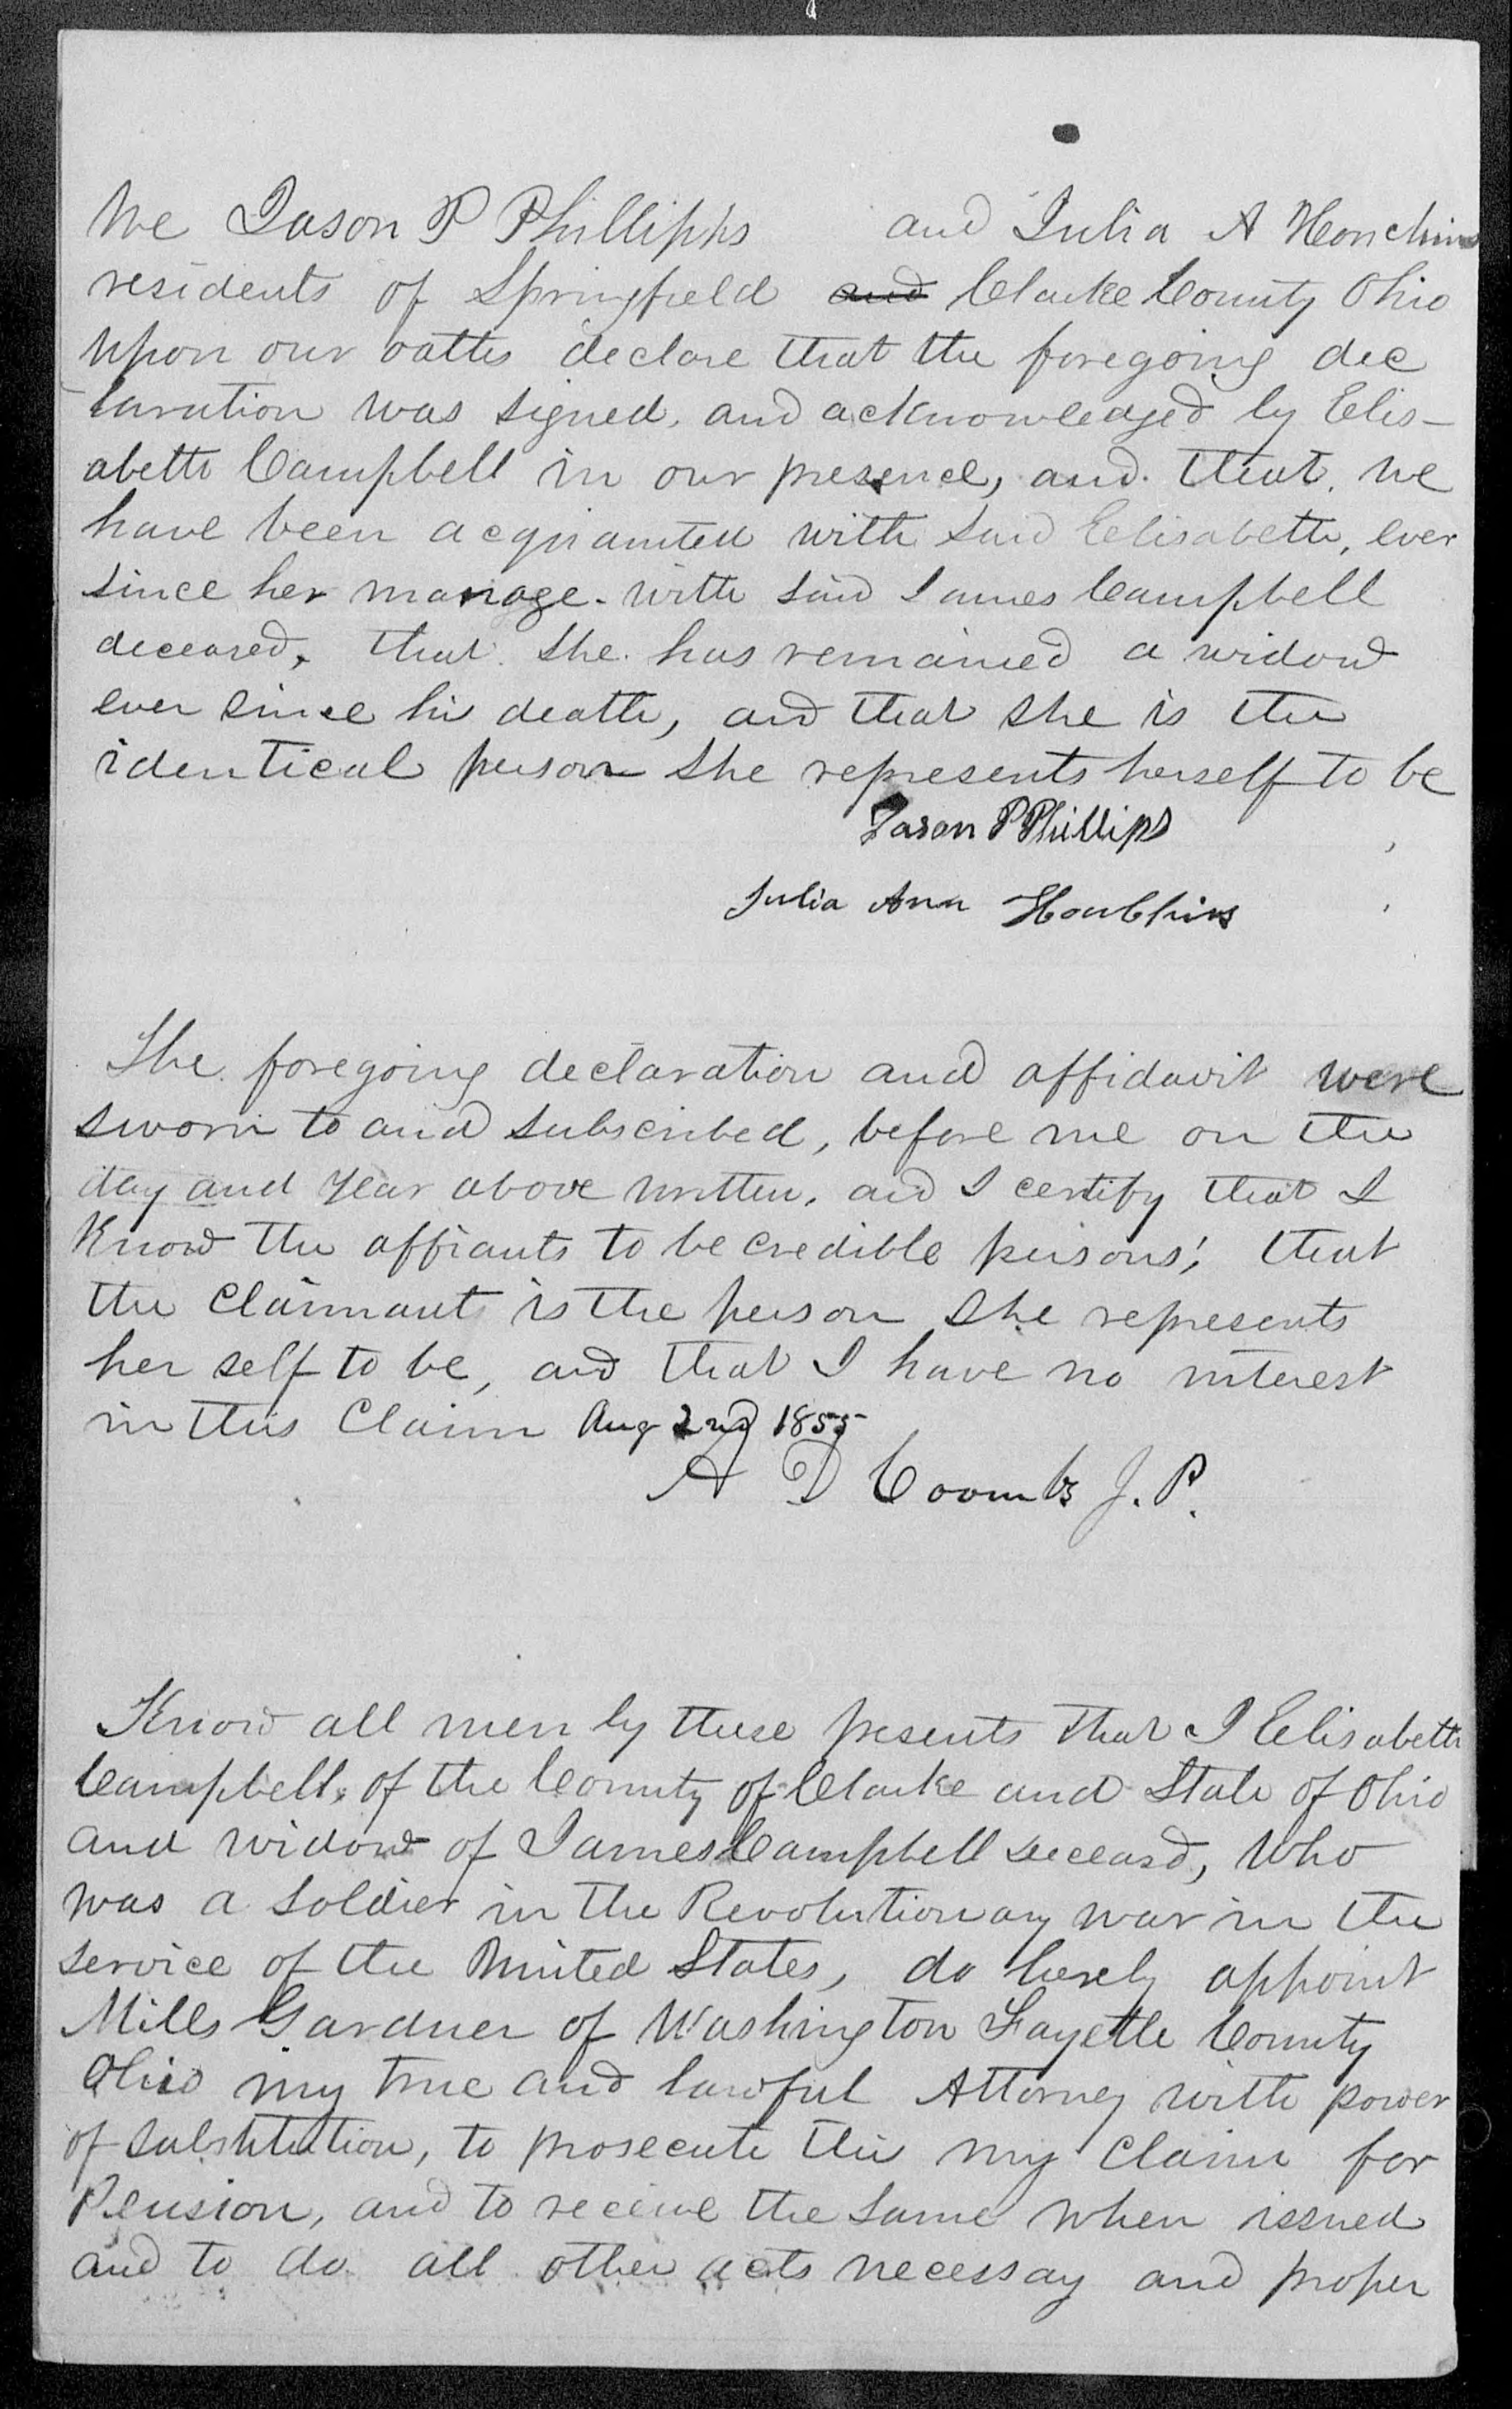We Jason P. Phillipps and Julia A Houchins residents of Springfield (and crossed out) Clarke County Ohio upon our oaths declare that the foregoing declaration was signed and acknowledged by Elisabeth Campbell in our presence, and that, we have been acquainted with Said Elisabeth, ever since her mariage (marriage) with Said James Campbell deceased, that She has remained a widow ever since his death, and that she is the identical person she represents herself to be
Jason P. Phillips
Julia Ann Houchins
The foregoing declaration and affidavit were sworn to and subscribed, before me on the day and year above written, and I certify that I know the affiants to be credible persons; that the claimant is the person she represents herself too be, and that I have no interest in the Claim  Aug 2nd 1855
A D Coombs J.P.
Know all men by these presents that I Elisabeth Campbell, oof the county of Clarke and State of Ohio and widow of James Campbell deceased, who was a Soldier in the Revolutionary war in the service of the United States, do hereby appoint Mills Gardner of Washington Fayette County Ohio my true and lawful Attorney with power of substitution to prosecute this my claim for Pension, and to receive the same when issued and to do all other acts necessary and proper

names: Elisabeth Campbell, James Campbell, James Campbell, A D Coombs, Jason P Phillips, Mills Gardner, Julia Ann Houchins, Jason P Phillipps, Elisabeth Campbell, Elisabeth, Julia A Houchins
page: 13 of 47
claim: widow's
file: W. 25384, James Campbell, Va.